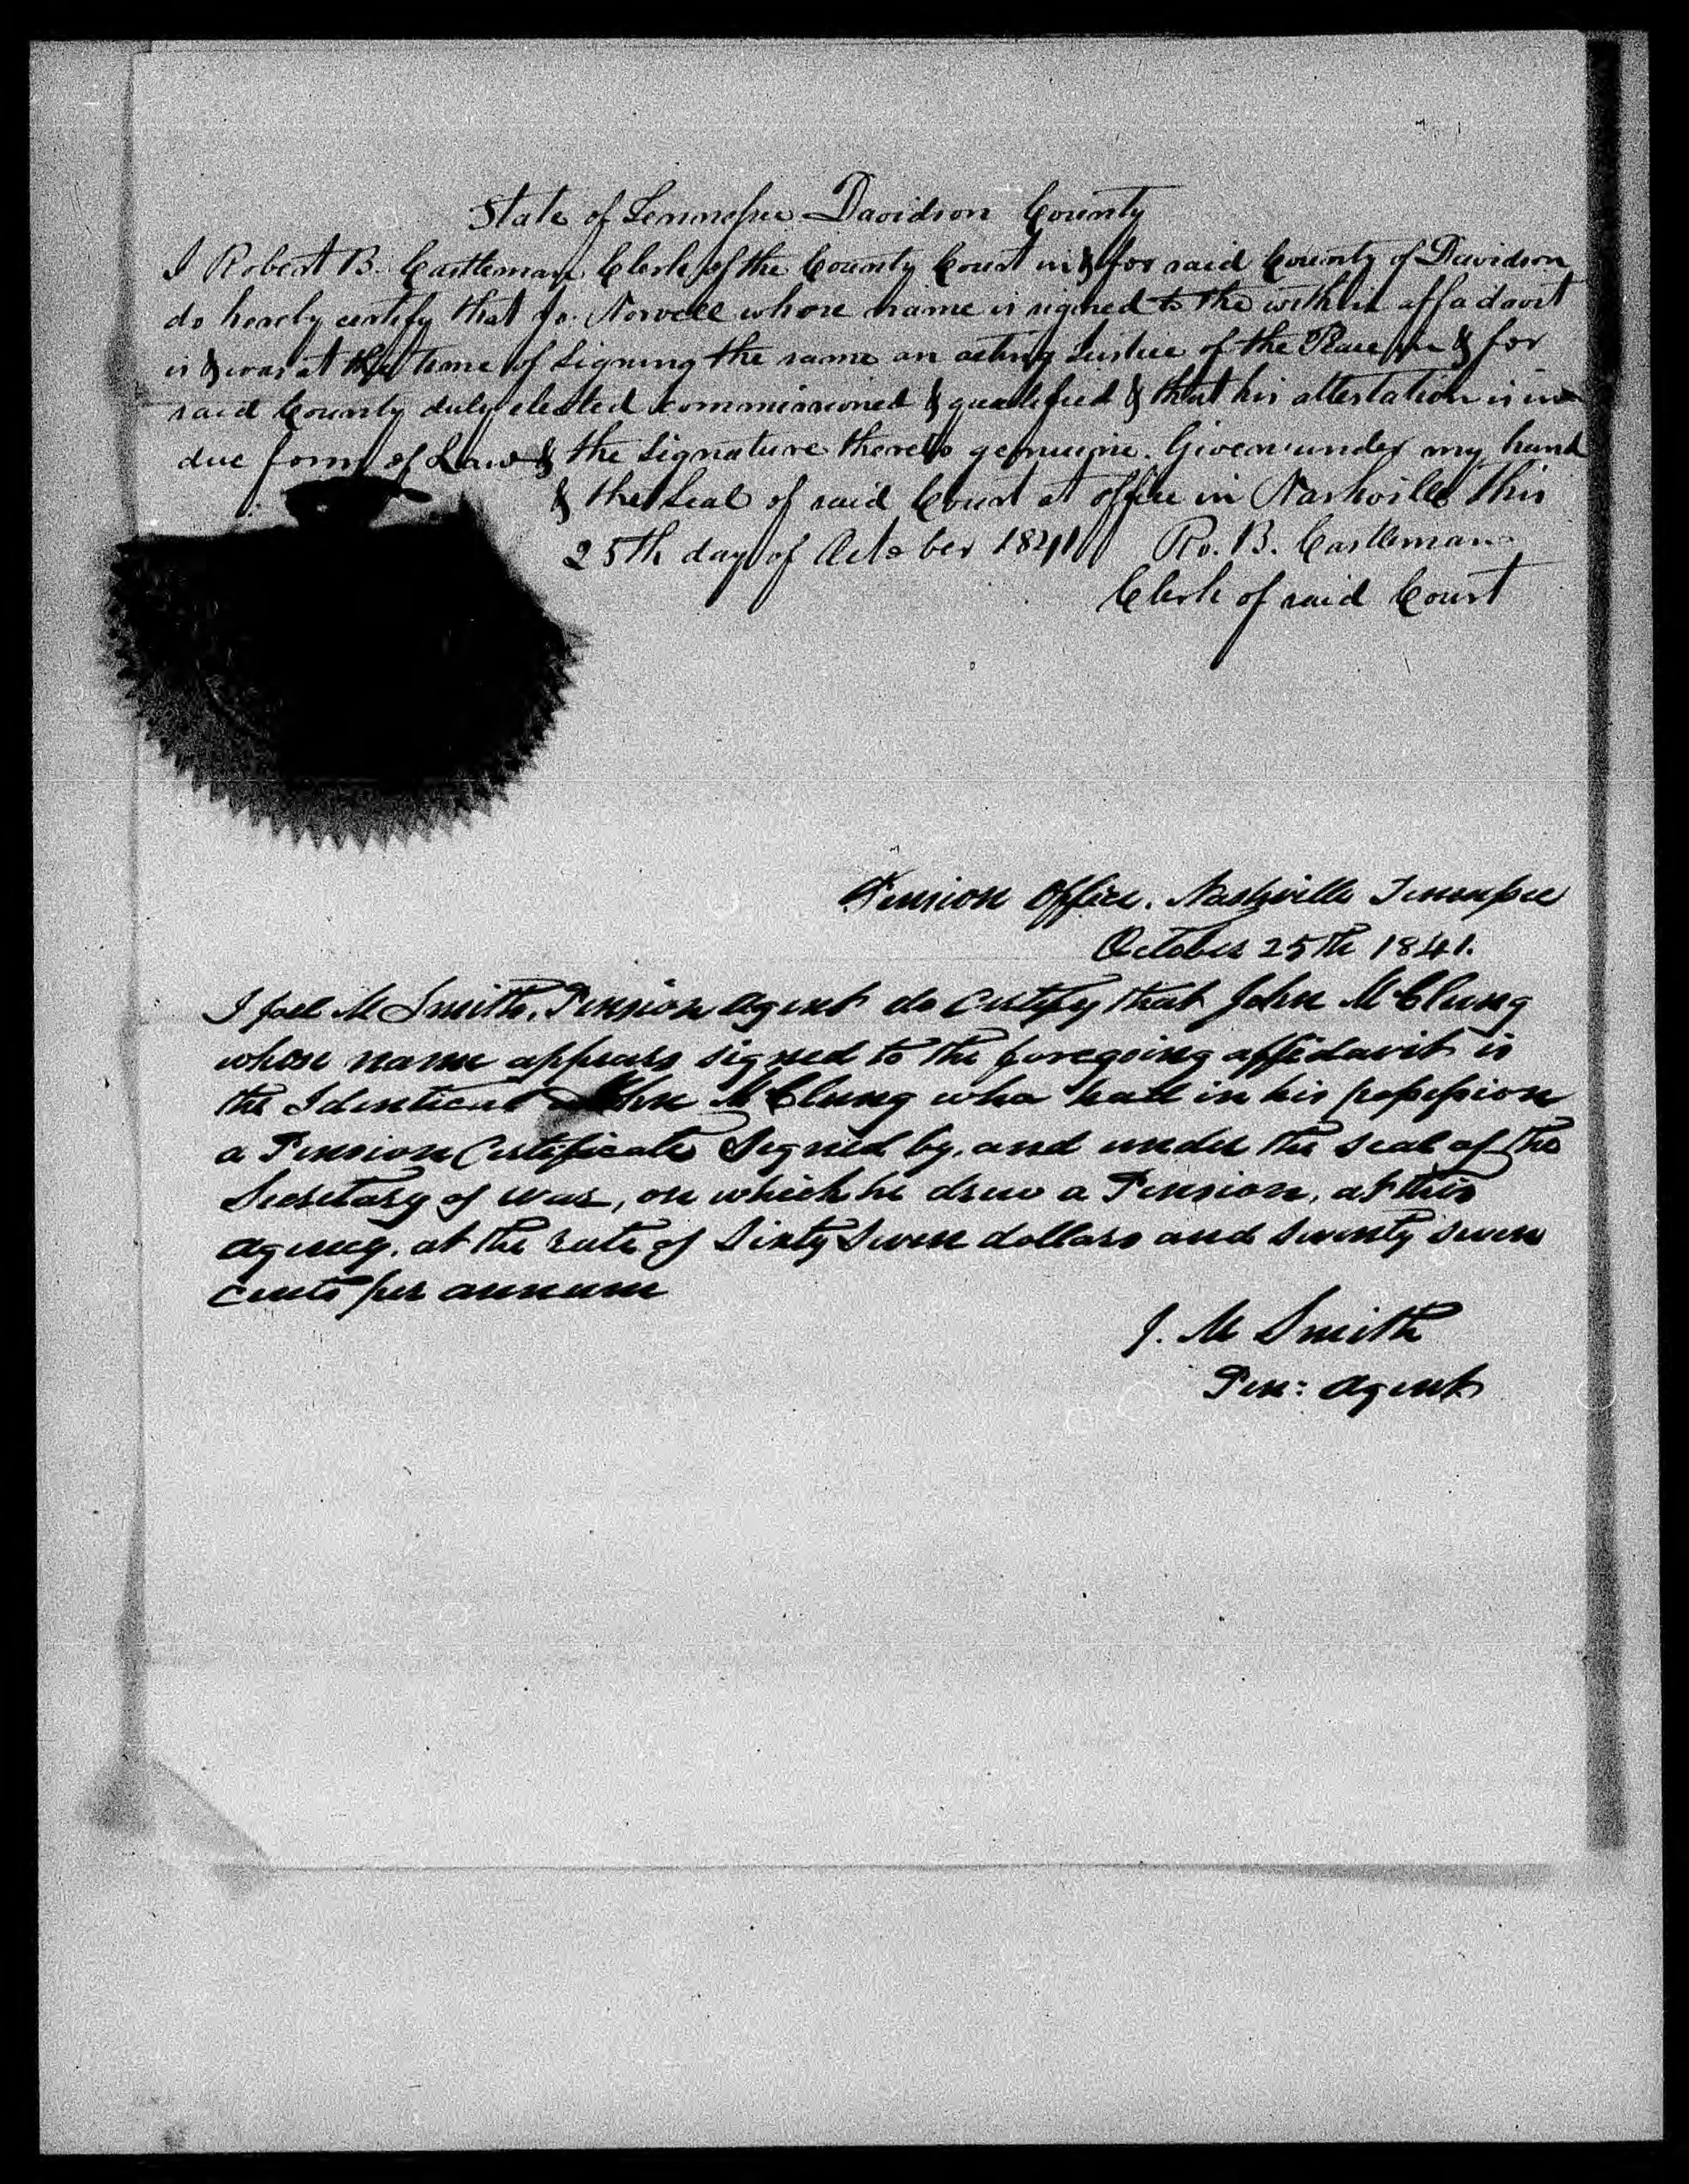State of Tennessee Davidson County
I Robert B Castleman Clerk of the County Court in & for said County of Davidson do hereby certify that Jo. Norvell whose name is signed to the within affidavit was at the time of signing the same an acting Justice of the Peace in & for said County duly elected commissioned & qualified & that his attestation is in due form of Law & the signature thereto genuine. Given under my hand & the seal of said Court at office in Nashville this 25th day of October 1841 R.B. Castleman
Clerk of said Court

Pension Office, Nashville Tennessee
October 25th 1841
I Joel M Smith, Pension Agent do certify that John McClung whose name appears signed to the foregoing affidavit is the Identical John McClung who hath in his possession a Pension Certificate signed by and under the seal of the Secretary of War, on which he drew a Pension, at this agency ding at the rate of sixty seven dollars and seventy seven cents per annum
J. M Smith
Pen Agent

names: John Mc Clung; Joel M Smith; Ro B Castleman; Robert B Castleman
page: 89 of 115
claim: widow's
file: W. 1446, for John Mc Clung, South Carolina